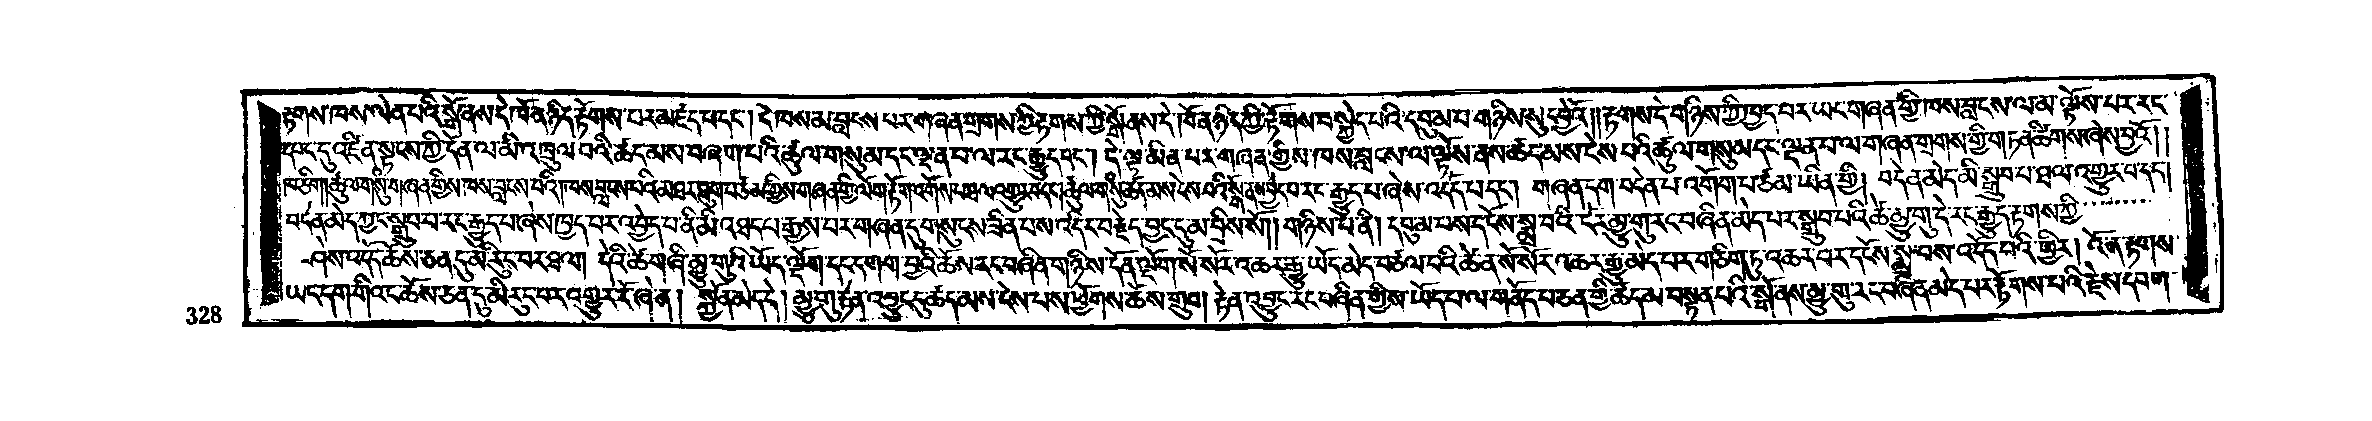རྟགས་ཁས་ལེན་པའི་སྒོ་ནས་དེ་ཁོ་ན་ཉིད་རྟོགས་པར་མཛད་པ་དང་། དེ་ཁས་མ་བླངས་པར་གཞན་གྲགས་ཀྱི་རྟགས་ཀྱི་སྒོ་ནས་དེ་ཁོ་ན་ཉིད་ཀྱི་རྟོགས་བསྐྱེད་པའི་དབུ་མ་པ་གཉིས་སུ་དབྱེའོ། །རྟགས་དེ་གཉིས་ཀྱི་ཁྱད་པར་ཡང་གཞན་གྱི་ཁས་བླངས་ལ་མ་ལྟོས་པར་རང་
དབང་དུ་འཛིན་སྟངས་ཀྱི་དོན་ལ་མི་འཁྲུལ་བའི་ཚད་མས་བཞག་པའི་ཚུལ་གསུམ་དང་ལྡན་པ་ལ་རང་རྒྱུད་དབང་། དེ་ལྟ་མིན་པར་གཞན་གྱིས་ཁས་བླངས་ལ་ལྟོས་ནས་ཚད་མས་ངེས་པའི་ཚུལ་གསུམ་དང་ལྡན་པ་ལ་གཞན་གྲགས་གྱི་གཏན་ཚིགས་ཞེས་བྱའོ། །
ཁ་ཅིག །ཚུལ་གསུམ་གཞན་གྱིས་ཁས་བླངས་པའི་ཁས་བླངས་པའི་མཐར་ཐུག་པ་ཙམ་གྱིས་གཞན་གྱི་ལོག་རྟོག་འགོས་པ་ཐལ་འགྱུར་བ་དང་། ཚུལ་གསུམ་ཚད་མས་ངེས་པའི་སྒོ་ནས་བྱེད་པ་རང་རྒྱུད་པ་ཞེས་འདོད་པ་དང་། གཞན་དག་བདེན་པ་འགོག་པ་ཙམ་ཡིན་གྱི། བདེན་མེད་མི་སྒྲུབ་པ་ཐལ་འགྱུར་བ་དང་།
བདེན་མེད་ཀྱང་སྒྲུབ་པ་རང་རྒྱུད་པ་ཞེས་ཁྱད་པར་འབྱེད་པ་ནི་མི་འཐད་པ་རྒྱས་པར་གཞན་དུ་གསུངས་ཟིན་པས་འདིར་བརྗེད་བྱང་དུ་མ་བྲིས་སོ། །གཉིས་པ་ནི། དབུ་མ་པས་དངོས་སྨྲ་བའི་ངོར་མྱུ་གུ་རང་བཞིན་མེད་པར་སྒྲུབ་པའི་ཚེ་མྱུ་གུ་དེ་རང་རྒྱུད་རྟགས་ཀྱི་
ཤེས་འདོད་ཆོས་ཅན་དུ་མི་རུང་བར་ཐལ། དེའི་ཚེ་གཞི་མྱུ་གུའི་ཡོད་ལྡོག་དང་དགག་བྱའི་ཆོས་རང་བཞིན་གཉིས་དོན་ལྡོག་སོ་སོར་འཆར་རྒྱུ་ཡོད་མེད་བཙལ་བའི་ཚེ་ན་སོ་སོར་འཆར་རྒྱུ་མེད་པར་གཅིག་ཏུ་འཆར་བར་དངོས་སྨྲ་བས་འདོད་པའི་ཕྱིར། འོ་ན་རྟགས་
ཡང་དག་གིའང་ཆོས་ཅན་དུ་མི་རུང་བར་འགྱུར་རོ་ཞེ་ན། སྐྱོན་མེད་དེ། མྱུ་གུ་རྟེན་འབྱུང་དུ་ཚད་མས་ངེས་པས་ཕྱོགས་ཆོས་གྲུབ། རྟེན་འབྱུང་རང་བཞིན་གྱིས་ཡོད་པ་ལ་གནོད་པ་ཅན་གྱི་ཚད་མ་བསྟན་པའི་སྒོ་ནས་མྱུ་གུ་རང་བཞིན་མེད་པར་རྟོགས་པའི་རྗེས་དཔག་